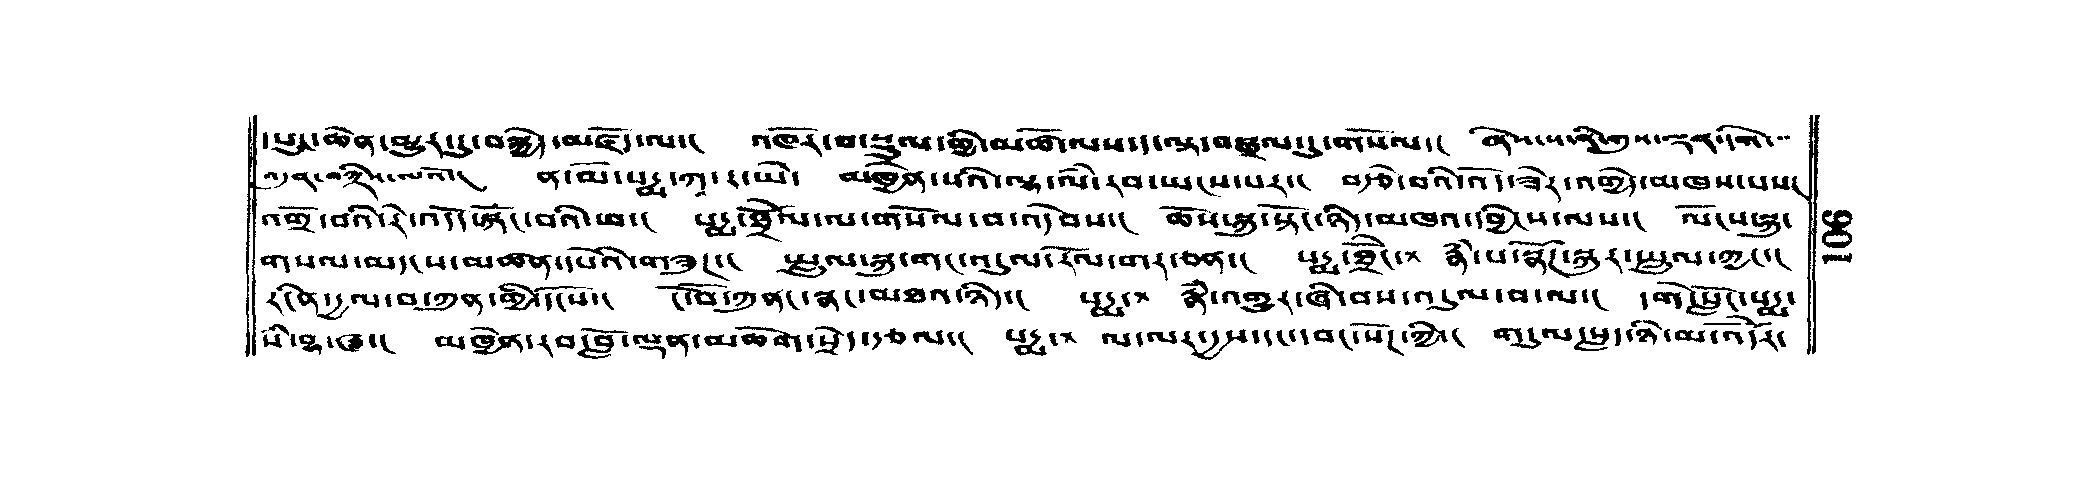དཔུང་ཆེན་མྱུར་དུ་བསྐྱེད་མཛོད་ལ། །འཁོར་བ་སྡུག་བསྔལ་གྱི་མཚོ་ལས་ད་ལྟ་བསྒྲལ་དུ་གསོལ། ཞེས་པ་ནི་གུས་ལྡན་དགེ་
འདུན་བཀྲ་ཤིས་ལའོ།། ན་མོ་པདྨ་ཀཱ་ར་ཡེ། མཁྱེན་པའི་ལྷ་ལམ་རབ་ཡངས་པར། །བརྩེ་བའི་འོད་ཟེར་འགྱེད་མཁས་པས། །
འགྲོ་བའི་རེ་འདོད་སྐོང་བའི་ཕ། །པདྨ་ཐོད་ཕྲེད་རྩལ་ལ་གསོལ་བ་འདེབས། །ཆོས་སྐུ་སྟོང་ཉིད་མཁའ་དབྱིངས་ལས། །ལོངས་སྐུ་
གསལ་མདངས་མཚན་དཔེའི་གཟུགས། །སྤྲུལ་སྐུ་གང་འདུལ་རོལ་གར་ཅན། །པདྨ་ཐོད་ཕྲེང༴།རྣམ་པ་སྣ་ཚོགས་སྐུར་སྤྲུལ་ཀྱང་། །
རང་བཞིན་རྒྱལ་བ་ཀུན་གྱི་དངོས། །ངོ་བོ་ཀུན་བཟང་སྣང་མཐའ་ཉིད། །པདྨ༴ །རྣམ་འགྱུར་ཞི་བས་འདུལ་བ་ལ། །དགེ་སློང་པདྨ་
སམ་བྷ་ཝ། །མཁྱེན་རབ་བློ་ལྡན་མཆོག་སྲེད་རྩལ། །པདྨ༴ །ལ་ལར་རྒྱས་དང་དབང་སོགས་ཀྱི། །གདུལ་སླད་ཉི་མ་འོད་ཟེར་